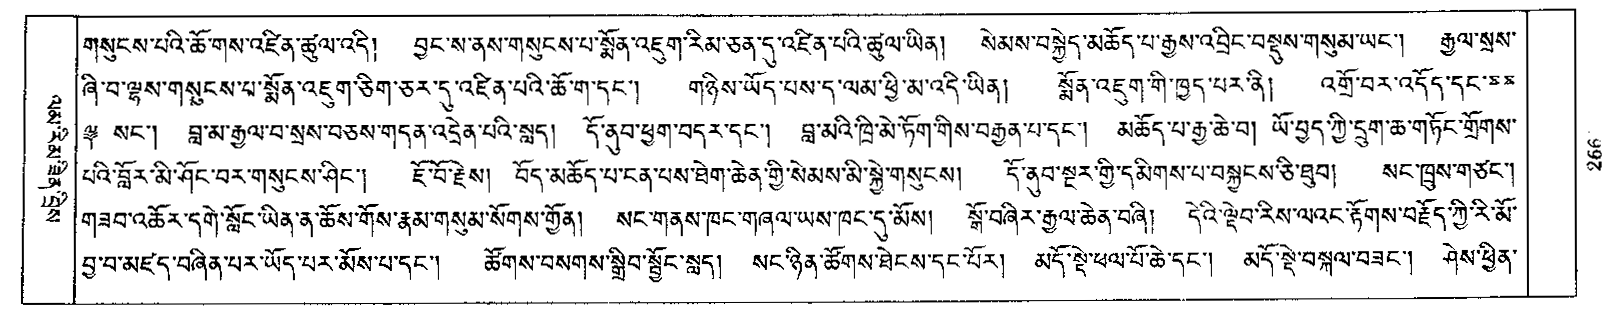གསུངས་པའི་ཆོ་གས་འཛིན་ཚུལ་འདི། བྱང་ས་ནས་གསུངས་པ་སྨོན་འཇུག་རིམ་ཅན་དུ་འཛིན་པའི་ཚུལ་ཡིན། སེམས་བསྐྱེད་མཆོད་པ་རྒྱས་འབྲིང་བསྡུས་གསུམ་ཡང་། རྒྱལ་སྲས་
ཞི་བ་ལྷས་གསུངས་པ་སྨོན་འཇུག་ཅིག་ཅར་དུ་འཛིན་པའི་ཆོ་ག་དང་། གཉིས་ཡོད་པས་ད་ལམ་ཕྱི་མ་འདི་ཡིན། སྨོན་འཇུག་གི་ཁྱད་པར་ནི། འགྲོ་བར་འདོད་དང་྾་྾་
༈ སང་། བླ་མ་རྒྱལ་བ་སྲས་བཅས་གདན་འདྲེན་པའི་སླད། དོ་ནུབ་ཕྱག་བདར་དང་། བླ་མའི་ཁྲི་མེ་ཏོག་གིས་བརྒྱན་པ་དང་། མཆོད་པ་རྒྱ་ཆེ་བ། ཡོ་བྱད་ཀྱི་དྲུག་ཆ་གཏོང་གྲོགས་
པའི་བློར་མི་ཤོང་བར་གསུངས་ཤིང་། ཇོ་བོ་རྗེས། བོད་མཆོད་པ་ངན་པས་ཐེག་ཆེན་གྱི་སེམས་མི་སྐྱེ་གསུངས། དོ་ནུབ་སྔར་གྱི་དམིགས་པ་བསྐྱངས་ཅི་ཐུབ། སང་ཁྲུས་གཙང་།
གཟབ་འཆོར་དགེ་སློང་ཡིན་ན་ཆོས་གོས་རྣམ་གསུམ་སོགས་གྱོན། སང་གནས་ཁང་གཞལ་ཡས་ཁང་དུ་མོས། སྒོ་བཞིར་རྒྱལ་ཆེན་བཞི། དེའི་ལྡེབ་རིས་ལའང་རྟོགས་བརྗོད་ཀྱི་རི་མོ་
བྱ་བ་མཛད་བཞིན་པར་ཡོད་པར་མོས་པ་དང་། ཚོགས་བསགས་སྒྲིབ་སྦྱོང་སླད། སང་ཉིན་ཚོགས་ཐེངས་དང་པོར། མདོ་སྡེ་ཕལ་པོ་ཆེ་དང་། མདོ་སྡེ་བསྐལ་བཟང་། ཤེས་ཕྱིན་